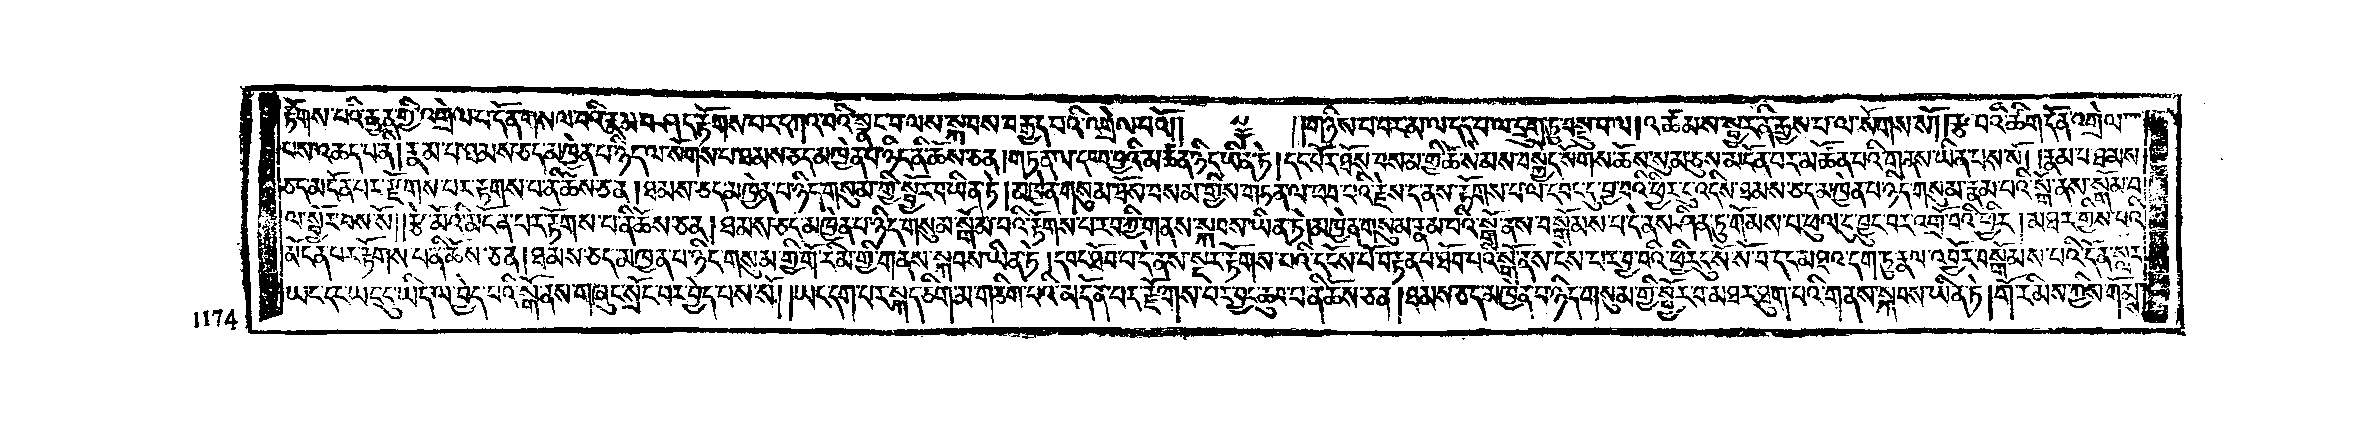རྟོགས་པའི་རྒྱུན་གྱི་འགྲེལ་བ་དོན་གསལ་བའི་རྣམ་བཤད་རྟོགས་པར་དཀའ་བའི་སྣང་བ་ལས་སྐབས་བརྒྱད་པའི་འགྲེལ་པའོ།། ༈ །།གཉིས་པ་བར་མ་ལ་དད་པ་ལ་དྲུག་ཏུ་བསྡུས་པ་ལ། འཚམས་སྦྱར་ནི་རྒྱས་པ་ལ་སོགས་སོ། །རྩ་བའི་ཚིག་དོན་འགྲེལ་
པས་འཆད་པ་ནི། རྣམ་པ་ཐམས་ཅད་མཁྱེན་པ་ཉིད་ལ་སོགས་པ་ཐམས་ཅད་མཁྱེན་པ་ཉིད་ནི་ཆོས་ཅན། གཏན་ལ་དབབ་བྱའི་མཚན་ཉིད་ཡིན་ཏེ། དང་པོར་ཐོབ་བསམ་གྱི་ཚེ་སེམས་བསྐྱེད་སོགས་ཆོས་སུ་ཅུས་མངོན་པར་མཚོན་པའི་གྲ་ནས་ཡིན་པས་སོ། །རྣམ་པ་ཐམས་
ཅད་མངོན་པར་རྫོགས་པར་རྟགས་པ་ནི་ཚིག་ཅན། ཐམས་ཅད་མཁྱེན་པ་ཉིད་གསུམ་གྱི་སྦྱོར་བ་ཡིན་ཏེ། མཁྱེན་གསུམ་ཐོས་བསམ་གྱིས་བཏན་ལ་ཕབ་པའི་རྗེས་དེ་ནས་རྟོགས་པ་ལ་དབང་དུ་བྱ་བའི་ཕྱིར་དུ་འདིས་ཐམས་ཅད་མཁྱེན་པ་ཉིད་གསུམ་རྣམ་པའི་སྒོ་ནས་སྒོམ་བྱ་
ལ་སྦྱོར་བས་སོ། །རྩེ་མོའི་མངོན་པར་རྟོག་པ་ནི་ཆོས་ཅན། ཐམས་ཅད་མཁྱེན་པ་ཉིད་གུསམ་སྒོམ་པའི་རྟོགས་པ་རབ་ཀྱི་གནས་སྐབས་ཡིན་ཏེ། མཁྱེན་གསུམ་རྣམ་པར་སྒོ་ནས་བསྒོམས་པ་དེ་ནས་ཤིན་ཏུ་གོམས་པ་ཕུལ་དུ་བྱུང་བར་འགྲོ་བའི་ཕྱིར། མཐར་གྱིས་པའི་
མངོན་པར་རྟོགས་པ་ནི་ཆོས་ཅན། ཐམས་ཅད་མཁྱེན་པ་ཉིད་གུསམ་གྱི་གོ་རིམ་གྱི་གནས་སྐབས་ཡིན་ཏེ། དབང་ཐོབ་པ་དེ་ནས་སྔར་རྟོགས་པའི་དངོས་པོ་བརྟན་པ་ཐོབ་པའི་སྒོ་ནས་ངེས་པར་བྱ་བའི་ཕྱིར་དུ་སོ་སོ་བ་དྣག་མཐ་དག་ཏུ་རྣམ་འབྱོར་བསྒོམས་པའི་དོན་སླར་
ཡང་དང་ཡང་དུ་ཡིན་ལ་བྱེད་པའི་སྒོ་ནས་གཞུང་སྲོང་བར་བྱེད་པས་སོ། །ཡང་དག་པར་སྐད་ཅིག་མ་གཅིག་པའི་མདོན་པར་རྫོགས་པར་བྱང་ཆུབ་པ་ནི་ཆོས་ཅན། ཐམས་ཅད་མཁྱེན་པ་ཉིད་གསུམ་གྱི་སྦྱོར་བ་མཐར་ཐུག་པའི་གནས་སྐབས་ཡིན་ཏེ། གོ་རིམས་ཀྱིས་གོམས་